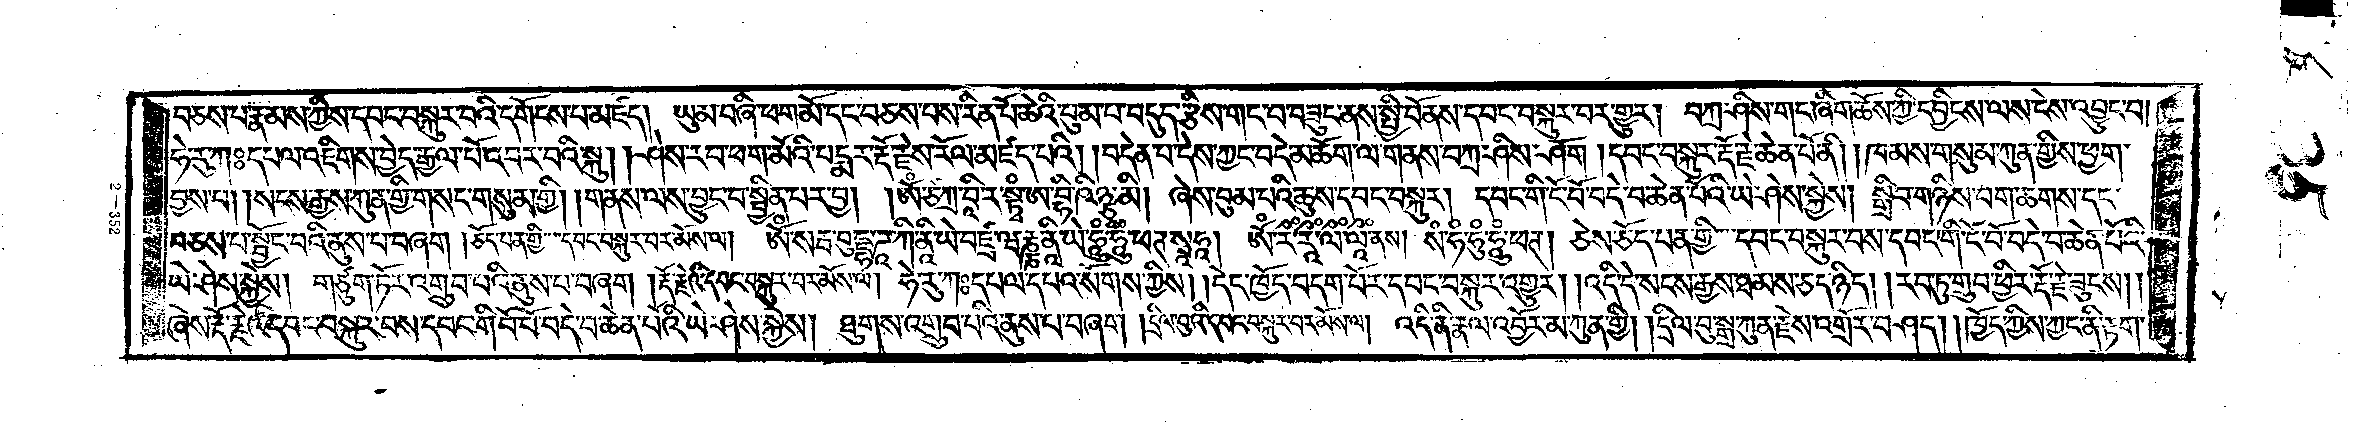བཅས་པ་རྣམས་ཀྱིས་དབང་བསྐུར་བའི་དགོངས་པ་མཛད། ཡུམ་བཞི་ཕག་མོ་དང་བཅས་པས་རིན་པོ་ཆེའི་བུམ་པ་བདུད་རྩིས་གང་བ་བཟུང་ནས་སྤྱི་བོ་ནས་དབང་བསྐུར་བར་གྱུར། བཀྲ་ཤིས་གང་ཞིག་ཆོས་ཀྱི་དབྱིངས་ལས་ངེས་འབྱུང་བ།
ཧེ་རུ་ཀཿདཔལ་འཇིགས་བྱེད་རྒྱལ་པོ་འབར་བའི་སྐུ། །ཤེས་རབ་ཕག་མོའི་པདམར་རྡོ་རྗེས་རོལ་མཛད་པའི། །བདེན་པ་དེས་ཀྱང་བདེ་མཆོག་ལ་གནས་བཀྲ་ཤིས་ཤོག །དབང་བསྐུར་རྡོ་རྗེ་ཆེན་པོ་ནི། །ཁམས་གསུམ་ཀུན་གྱིས་ཕྱག་
བྱས་པ། །སངས་རྒྱས་ཀུན་གྱི་གསང་གསུམ་གྱི། །གནས་ལས་བྱུང་བ་སྦྱིན་པར་བྱ། །ཨོཾ་ཙཀྲ་བཱི་ར་སྟྭཾ་ཨ་བྷི་ཥིཉྩ་མི། ཞེས་བུམ་པའི་ཆུས་དབང་བསྐུར། དབང་གི་ངོ་བོ་བདེ་བ་ཆེན་པོའི་ཡེ་ཤེས་སྐྱེས། སྒྲིབ་གཉིས་བག་ཆགས་དང་
བཅས་པ་སྦྱོང་བའི་ནུས་པ་བཞག་།ཅོད་པན་གྱི་དབང་བསྐུར་བར་མོས་ལ།  ཨོཾ་སརྦ་བུདྡྷ་ཌཱ་ཀི་ནཱི་ཡེ་བཛྲ་ཝརྞྞ་ནཱི་ཡེ་ཧཱུཾ་ཧཱུཾ་ཕཊ་སྭཱཧཱ། ཨོཾ་རྀཾ་རཱྀཾ་ལྀཾ་ལཱྀཾ་ནས། སཾ་ཧཾ་ཧུཾ་ཧཱུཾ་ཕཊ། ཅེས་ཅོད་པན་གྱི་དབང་བསྐུར་བས་དབང་གི་ངོ་བོ་བདེ་བ་ཆེན་པོའི་
ཡེ་ཤེས་སྐྱེས། གཙུག་ཏོར་འགྲུབ་པའི་ནུས་པ་བཞག་།རྡོ་རྗེའི་དབང་བསྐུར་བར་མོས་ལ།  ཧེ་རུ་ཀཿདཔལ་དཔའ་སོགས་ཀྱིས། །དེང་ཁྱོད་བདག་པོར་དབང་བསྐུར་འགྱུར། །འདི་དེ་སངས་རྒྱས་ཐམས་ཅད་ཉིད། །རབ་ཏུ་གྲུབ་ཕྱིར་རྡོ་རྗེ་ཟུངས།།
ཞེས་རྡོ་རྗེའི་དབང་བསྐུར་བས་དབང་གི་བོ་པོ་བདེ་བ་ཆེན་པོའི་ཡེ་ཤེས་སྐྱེས། ཐུགས་འགྲུབ་པའི་ནུས་པ་བཞག་།དྲིལ་བུའི་དབང་བསྐུར་བར་མོས་ལ།  འདི་ནི་རྣལ་འབྱོར་མ་ཀུན་གྱི། །དྲིལ་བུ་སྒྲ་ཀུན་རྗེས་འགྲོར་བཤད། །ཁྱོད་ཀྱིས་ཀྱང་ནི་རྟག་